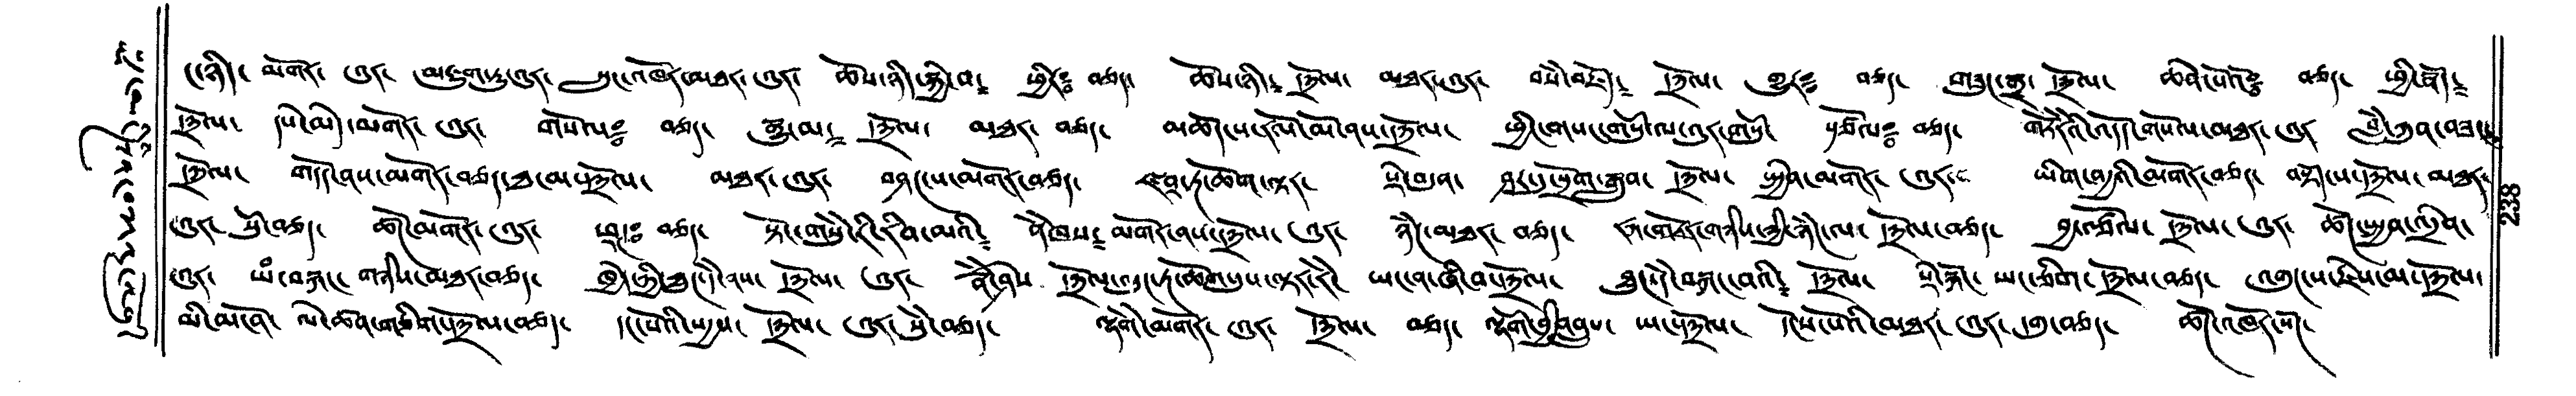ང་ཉིད༴ མགོར། འུར། མཇུག་ཏུ་འུར། སྲུང་འཁོར་མཐར། འུར། ཆོས་ཉིད་སྐྱེ་བ༴ ཕྱིར༔ བཅད། ཆོས་ཉིད༴ དཀྲོལ། མཐར་འུར། བསམ་བརྗོད༴ དཀྲོལ། གྱུར༔ བཅད། གཟུགས་སྒྲ༴ དཀྲོལ། ཆེན་པོའོ༔ བཅད། ཕྱི་སྣོད༴ 
དཀྲོལ། དཔེ་མེད༴ མགོར། འུར། གསོལ༔ བཅད། སྒྱུ་མ༴ དཀྲོལ། མཐར། བཅད། མཆོད་པ་རོལ་མོ་ནས་དཀྲོལ། ཕྱི་ནང་གསང་གསུམ་ལ་འུར་གསུམ། སྩོལ༔ བཅད། གཏོར་མའི་འདོད་གསོལ་མཐར་འུར། བླ་མ་ཀུན་བཟང༴ 
དཀྲོལ། གདོད་ནས༴ མགོར་བཅད་ཐ་མ་དཀྲོལ། མཐར་འུར། བཤགས་པ་མགོར་བཅད། ཛཔྲ་རྔ་ཆོག་ལྟར། སྡེ་བདུན། ཤར་དུ་སྲོག་གྲུབ༴ དཀྲོལ། སྤྱན་འདྲེན་མགོར། འུར། ཡིག་བརྒྱའི་མགོར་བཅད། བསྟོད་པར། དཀྲོལ། མཐར། 
འུར། སུམ་བཅད། ཚོགས་མགོར། འུར། ཕཊཿ བཅད། སྟོང་གསུམ་རི་རབ༴ ནམ་མཁས༴ མགོ་ནས་དཀྲོལ། འུར། ཉམས་ཆག༴ མཐར། བཅད། རཀ་གཏོར་གཉིས་ཀྱི། ཉམས་ཆག༴ ལ་དཀྲོལ་བཅད། བྱ་སྩོལ། དཀྲོལ། འུར། ཚོགས་སྤྱན་འདྲེན། 
འུར། ཡཾ་བསྐང་གཉིས་མཐར་བཅད། ཁྱེད་ཀྱི་ཐུགས་དམ༴ ནས། དཀྲོལ། འུར། རྣམ་ཤེས༴ དཀྲོལ་ལུགས་རྔ་ཆོག་དུས་ལྟར་རམ། ཡང་ན་ཞི་བ་དཀྲོལ། ཐུགས་དམ་བསྐང་བའི༴ དཀྲོལ། སྡེ་སྐོང་། ཡང་ཅིག༴ དཀྲོལ། བཅད། འགུགས་པ་རྗེས་མ་དཀྲོལ། 
མི་མངོན༴ ལེ་ཚན་གཅིག་དཀྲོལ་བཅད། དང་པོའི་སངས་རྒྱས༴ དཀྲོལ། འུར་སུམ་བཅད། ལྷག་མ་མགོར། འུར་དཀྲོལ། བཅད། ལྷག་མ་བྱིན་རླབས། ཡང་དཀྲོལ། དངོས་པོའི༴ མཐར། འུར། དགུ་བཅད། ཚོགས་འཁོར༴ སོགས།